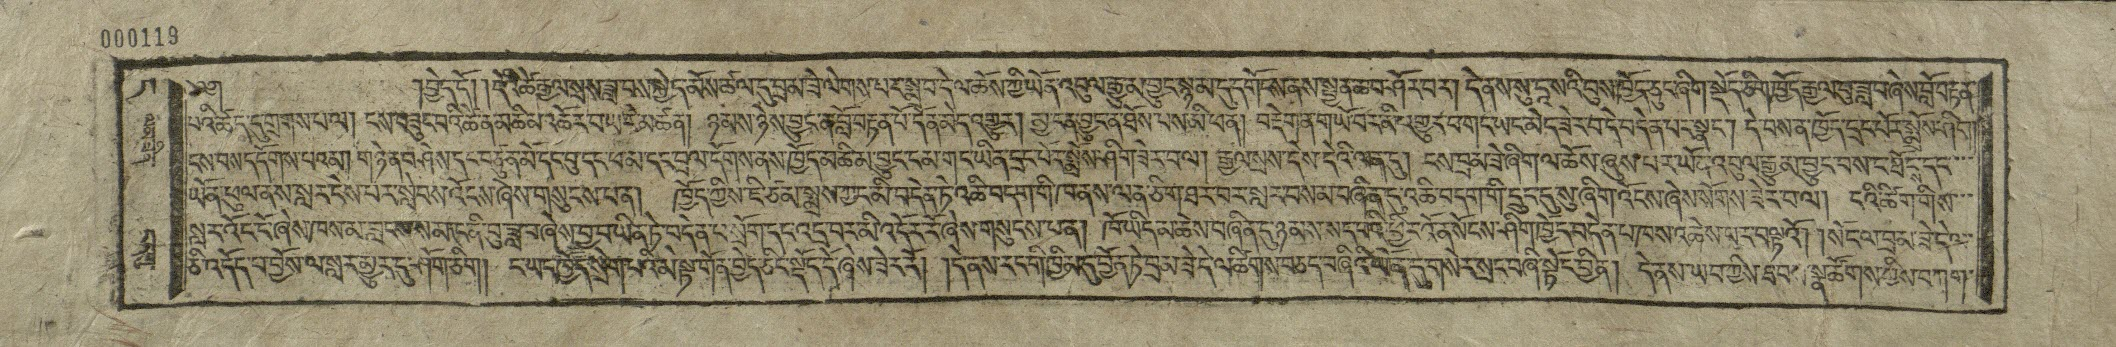༄༅། །བྱེད་དོ། །དེའི་ཚེ་རྒྱལ་སྲས་ཟླ་བས་སྐྱེད་མོས་ཚལ་དུ་བྲམ་ཟེ་ལེགས་པར་སྨྲ་བ་དེ་ལ་ཆོས་ཀྱི་ཡོན་འབུལ་རྒྱུ་མ་བྱུང་སྙམ་དུ་དགོངས་ནས་སྤྱན་ཆབ་ཤོར་བར། དེ་ནས་སུ་ངཱ་སའི་བུས་ཁྱོད་ཅུང་ཞིག་སྡོད་ཅིག་ཁྱོད་རྒྱལ་བུ་ཟླ་བ་ཞེས་བློ་བརྟན་
པའི་ཚད་དུ་གྲགས་པ་ལ། ངས་བཟུང་བའི་ཚེ་ན་མཆི་མ་འཚོར་བ་ཡ་རེ་མཚན། ཉམས་ཉེས་བྱུང་ན་བློ་བརྟན་པོ་དོན་མེད་འགྱུར། མྱ་ངན་བྱུང་ན་ཐོས་པས་མི་ཕན། བརྡེག་ན་གཡོ་བར་མི་འགྱུར་བ་གང་ཡང་མེད་ཟེར་བ་དེ་བདེན་པར་སྣང་། དེ་བས་ན་ཁྱོད་དྲང་པོར་སྨྲོས་ཤིག །
ངས་བསད་དོགས་པའམ། གཉེན་བཤེས་དང་བཙུན་མོ་དང་བུ་དང་ཕ་མ་དང་བྲལ་དོགས་ནས་ཁྱོད་མཆི་མ་བྱུང་ངམ་གང་ཡིན་དྲང་པོར་སྨྲོས་ཤིག་ཟེར་བ་ལ། རྒྱལ་སྲས་དེས་དེའི་ལན་དུ། ངས་བྲམ་ཟེ་ཞིག་ལ་ཆོས་ཞུས་པར་ཡོན་འབུལ་རྒྱུ་མ་བྱུང་བས་ང་ཐོངས་དང་
ཡོན་ཕུལ་ནས་སླར་ངེས་པར་སླེབས་འོངས་ཞེས་གསུངས་པ་ན། ཁྱོད་ཀྱིས་ཇི་ཙམ་སྨྲས་ཀྱང་མི་བདེན་ཏེ་འཆི་བདག་གི་ཁ་ནས་ལན་ཅིག་ཐར་བར་སླར་བསམ་བཞིན་དུ་འཆི་བདག་གི་དྲུང་དུ་སུ་ཞིག་འོངས་ཞེས་སོགས་ཟེར་བ་ལ། ངའི་ཚིག་གིས་
སླར་འོང་ངོ་ཞེས་ཁས་མ་བླངས་སམ་ང་ནི་བུ་ཟླ་བ་ཞེས་བྱ་བ་ཡིན་ཏེ་བདེན་པ་སྲོག་དང་འདྲ་བར་མི་འདོར་རོ་ཞེས་གསུངས་པ་ན། ཁོ་ཡིད་མ་ཆེས་བཞིན་དུ་ཉམས་སད་པའི་ཕྱིར་འོ་ན་སོངས་ཤིག་ཁྱོད་བདེན་པ་ཁས་འཆེས་པར་བལྟའོ། །སོང་ལ་བྲམ་ཟེ་དེ་ལ་
ཅི་འདོད་པ་བྱོས་ལ་སླར་མྱུར་དུ་ཤོག་ཅིག །ང་ཡང་ཁྱོད་སྲེག་པའི་མེ་སྟ་གོན་བྱེད་ཅིང་སྡོད་དོ་ཞེས་ཟེར་རོ། །དེ་ནས་རང་གི་ཁྱིམ་དུ་བྱོན་ཏེ་བྲམ་ཟེ་དེ་ལ་ཚིགས་བཅད་བཞིའི་ཡོན་དུ་གསེར་སྲང་བཞི་སྟོང་བྱིན། དེ་ནས་ཡབ་ཀྱིས་ཐབས་སྣ་ཚོགས་ཀྱིས་བཀག་